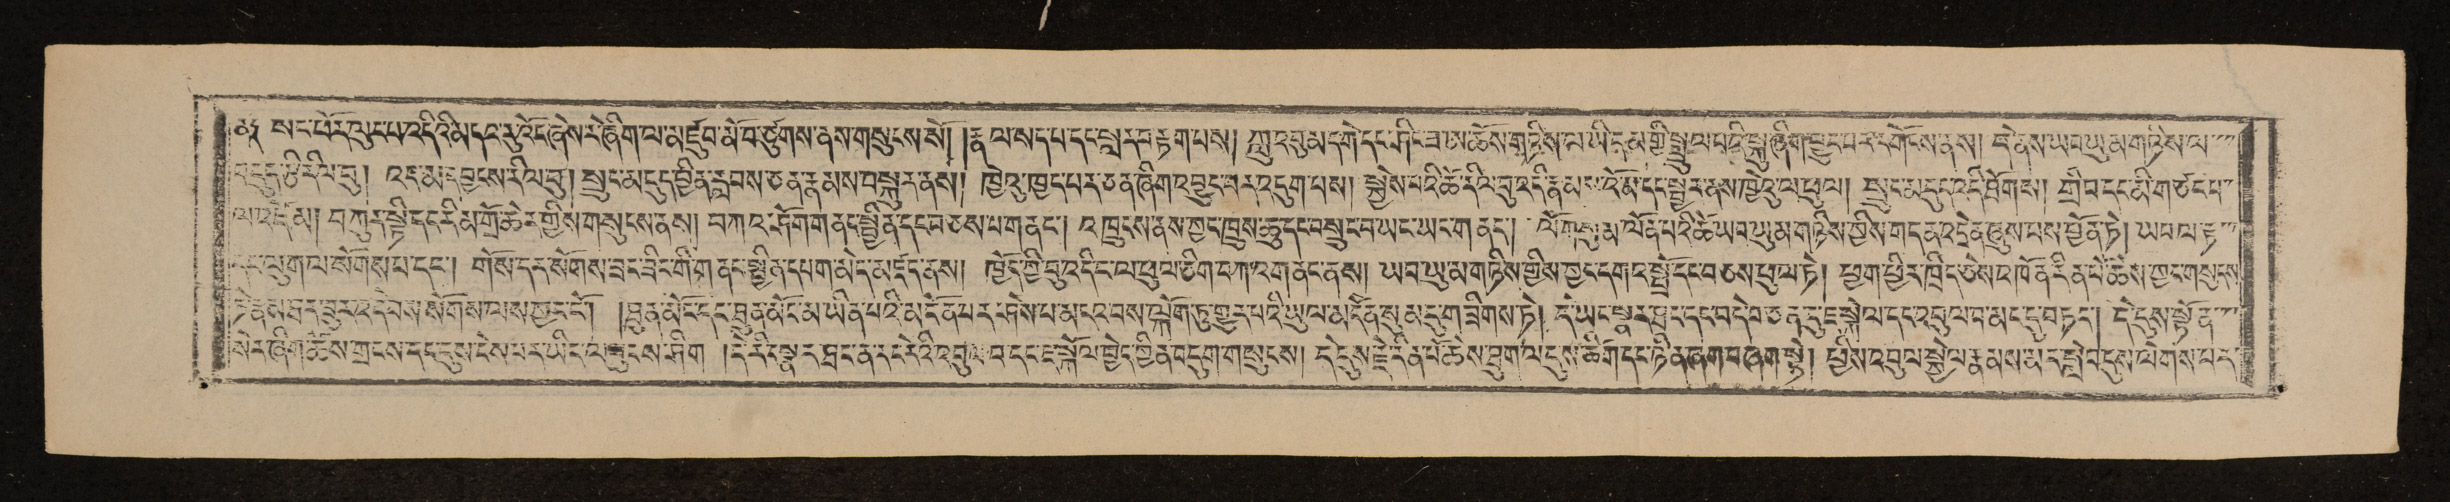ན༑ སང་ཕོད་ལུང་པ་འདིའི་མདའ་རུ་འོང་ཞེས་རེ་ཞིག་ལ་མཛུབ་མོ་བཙུགས་ནས་གསུངས་སོ། །རྣ་ལ་སད་པ་དང་སླར་བརྟག་བས། ཀླུ་འབུམ་དགེ་དང་ཤིང་ཟ་ཨ་ཆོས་གཉིས་ལ་ཡི་དམ་གྱི་སྤྲུལ་པའི་སྐུ་ཞིག་བྱུང་བར་དགོངས་ནས། དེ་ནས་ཡབ་ཡུམ་གཉིས་ལ་
བདུད་རྩི་རིལ་བུ། འཇམ་དབྱངས་རིལ་བུ། སྲུང་མདུད་བྱིན་རླབས་ཅན་རྣམས་བསྐུར་ནས། ཁྱེའུ་ཁྱད་པར་ཅན་ཞིག་འབྱུང་བར་འདུག་པས། སྐྱེས་པའི་ཚེ་རིལ་བུ་འདི་རྣམས་འོ་མ་དང་སྦྱར་ནས་ཁྱེའུ་ལ་ཕུལ། སྲུང་མདུད་འདི་ཐོགས། གྲིབ་དང་མི་གཙང་བ་
ལ་འཛེམ། བཀུར་སྟི་དང་རིམ་སྲོ་ཆེར་གྱིས་གསུངས་ནས། བཀའ་ཤོག་གནད་སྦྱིན་དང་བཅས་པ་གནང་། འཁྲུངས་ནས་ཀྱང་ཁྲུས་ཆུ་དང་བསྲུང་བ་ཡང་ཡང་གནང་། ལོ་གསུམ་ལོན་པའི་ཚེ་ཡབ་ཡུམ་གཉིས་ཀྱིས་གདན་འདྲེན་ཞུས་པས་བྱོན་ཏེ། ཡབ་ལ་རྟ་
དང་ལུག་ལ་སོགས་པ་དང་། གོས་དར་སོགས་ཟང་ཟིང་གི་གནང་སྦྱིན་དཔག་མེད་མཛད་ནས། ཁྱོད་ཀྱི་བུ་འདི་ང་ལ་ཕུལ་ཅིག་བཀའ་གནང་ནས། ཡབ་ཡུམ་གཉིས་ཀྱིས་ཀྱང་དགའ་སྤྲོ་དང་བཅས་ཕུལ་ཏེ། ཕྱག་ཕྱིར་ཁྲིད་ཅེས་འཁོན་རིན་པོ་ཆེས་ཀྱང་གསུངས་
ཏེ་རྣམ་ཐར་ཟུར་འདེབས་སོགས་ལས་ཀྱང་ངོ། །ཐུན་མོང་དང་ཐུན་མོང་མ་ཡིན་པའི་མངོན་པར་ཤེས་པ་མངའ་བས་ལྐོག་ཏུ་གྱུར་པའི་ཡུལ་མངོན་སུམ་དུ་གཟིགས་ཏེ། དེ་ཡང་སྣར་ཐང་དང་བདེ་བ་ཅན་དུ་ཇ་སྐོལ་དང་འབུལ་བ་མང་དུ་བཏང་། དེ་དུས་སྟོན་
སེར་ཞིག་ཆོས་གྲངས་དང་དུས་ངེས་པར་ཡིད་ལ་ཟུངས་ཤིག །དེ་རིང་སྣར་ཐང་ན་རང་རེའི་འབུལ་བ་དང་ཇ་སྐོལ་བྱེད་ཀྱིན་འདུག་གསུངས། དེ་དུས་རྗེ་རིན་པོ་ཆེས་ཐུགས་ལ་དུས་ཚིག་དང་ཉིན་ཞག་བཞག་སྟེ། ཕྱིས་འབུལ་སྐྱེལ་རྣམས་མར་སླེབ་དུས་ལེགས་པར་